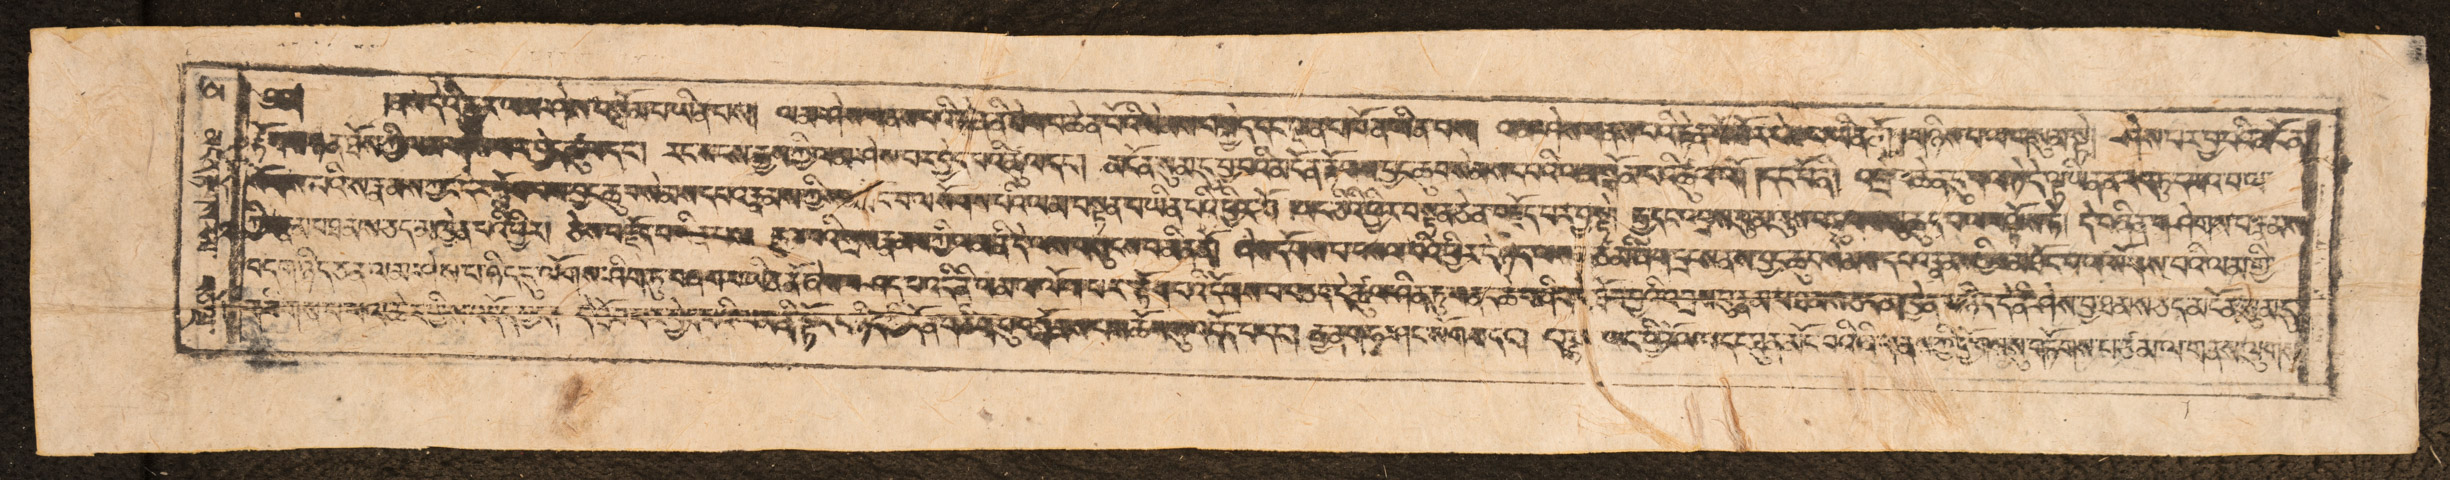༄༅། །ནས་དེའི་རྒྱུར་ལམ་ཤེས་བསྒོམ་པ་ཡིན་པས། ལམ་ཤེས་གནས་པའི་རྟེན་ནི་ཐེག་པ་ཆེན་པོའི་སེམས་བསྐྱེད་དང་ལྡན་པ་ཁོ་ན་ཡིན་པས། ལམ་ཤེས་གནས་པའི་རྟེན་སོ་སོར་ངེས་པ་ཡིན་ནོ། །གཉིས་པ་ལ་གསུམ་སྟེ། ཤེས་པར་བྱ་བའི་མངོན་
རྟོགས་ཉན་ཐོས་ཀྱི་ལམ་ཤེས་པར་བྱེད་ཚུལ་དང་། རང་སངས་རྒྱས་ཀྱི་ལམ་ཤེས་པར་བྱེད་པའི་ཚུལ་དང་། མངོན་སུམ་དུ་བྱ་བའི་མངོན་རྟོགས་བྱང་ཆུབ་སེམས་དཔའི་ལམ་སྒོམ་པའི་ཚུལ་ལོ། །དང་པོ་ནི། འགྲེལ་ཆེན་དུ་གལ་ཏེ་དེ་ལྟ་ཡིན་ན་རབ་ཏུ་དགའ་བ་ལ་
སོགས་པའི་ས་རྣམས་ཀྱང་དེར་སྨོས་པས་བྱང་ཆུབ་སེམས་དཔའ་རྣམས་ཀྱིས་མཐོང་བ་ལ་སོགས་པའི་ལམ་བསྟན་པ་ཡིན་པའི་ཕྱིར་རོ། །ཡང་ཅིའི་ཕྱིར་བསྟན་ཅེ་ན་བརྗོད་པར་བྱ་སྟེ། རྒྱུ་དང་འབྲས་བུ་མ་ལུས་པ་ཐུགས་སུ་ཆུད་པ་ལ་བལྟོས་ཏེ། དེ་བཞིན་གཤེགས་པ་རྣམས་
ཀྱིས་རྣམ་པ་ཐམས་ཅད་མཁྱེན་པའི་ཕྱིར། ཅེས་བརྗོད་པ་ཡིན་པས། རྒྱལ་བའི་སྲས་རྣམས་ཀྱི་ལམ་ནི་དེ་ལས་གསུངས་པ་མིན་ནོ། ཞེས་དོགས་པ་བསལ་བའི་ཕྱིར་དེ་ཉིད་ལས་རྒྱུ་ཙམ་ཞིག་དྲངས་ནས་བྱང་ཆུབ་སེམས་དཔའ་རྣམས་ཀྱིས་མཐོང་བ་ལ་སོགས་པའི་ལམ་གྱི་
བདག་ཉིད་ཅན་ལམ་ཤེས་པ་ཉིད་དུ་ལོགས་ཤིག་ཏུ་བཞག་པ་ཡིན་ནོ་ཞེས་བཤད་པ་འདི་ནི་ལམ་ལ་ལོག་པར་རྟོག་པའི་དོགས་པ་བཅད་དེ་ཚུལ་ཤིན་ཏུ་གནད་ཆེ་བ་ཞིག་དེ་ཐོབ་བྱའི་འབྲས་བུ་རྣམ་པ་ཐམས་ཅད་མཁྱེན་པ་ཉིད་དེ་ནི་ཤེས་བྱ་ཐམས་ཅད་མངོན་སུམ་དུ་
གཟིགས་པ་ཕལ་ཆེར་གྱིས་འདོད་ཀྱང་། དེ་ཐོབ་པར་བྱེད་པའི་ལམ་ནི་སྟོང་པ་ཉིད་ཀྱི་དོན་གཅིག་པུ་བསྒོམས་པས་ཆོས་སུ་འདོད་པ་དང་། རྒྱ་ནག་ཧྭ་ཤང་སོགས་དང་། ད་ལྟར་ཡང་ཕྱི་རོལ་པ་དང་ཐུན་མོང་བའི་ཞི་གནས་ཀྱི་ཕྱོགས་སུ་གཏོགས་པ་ཙམ་ལ་གནས་ལུགས་